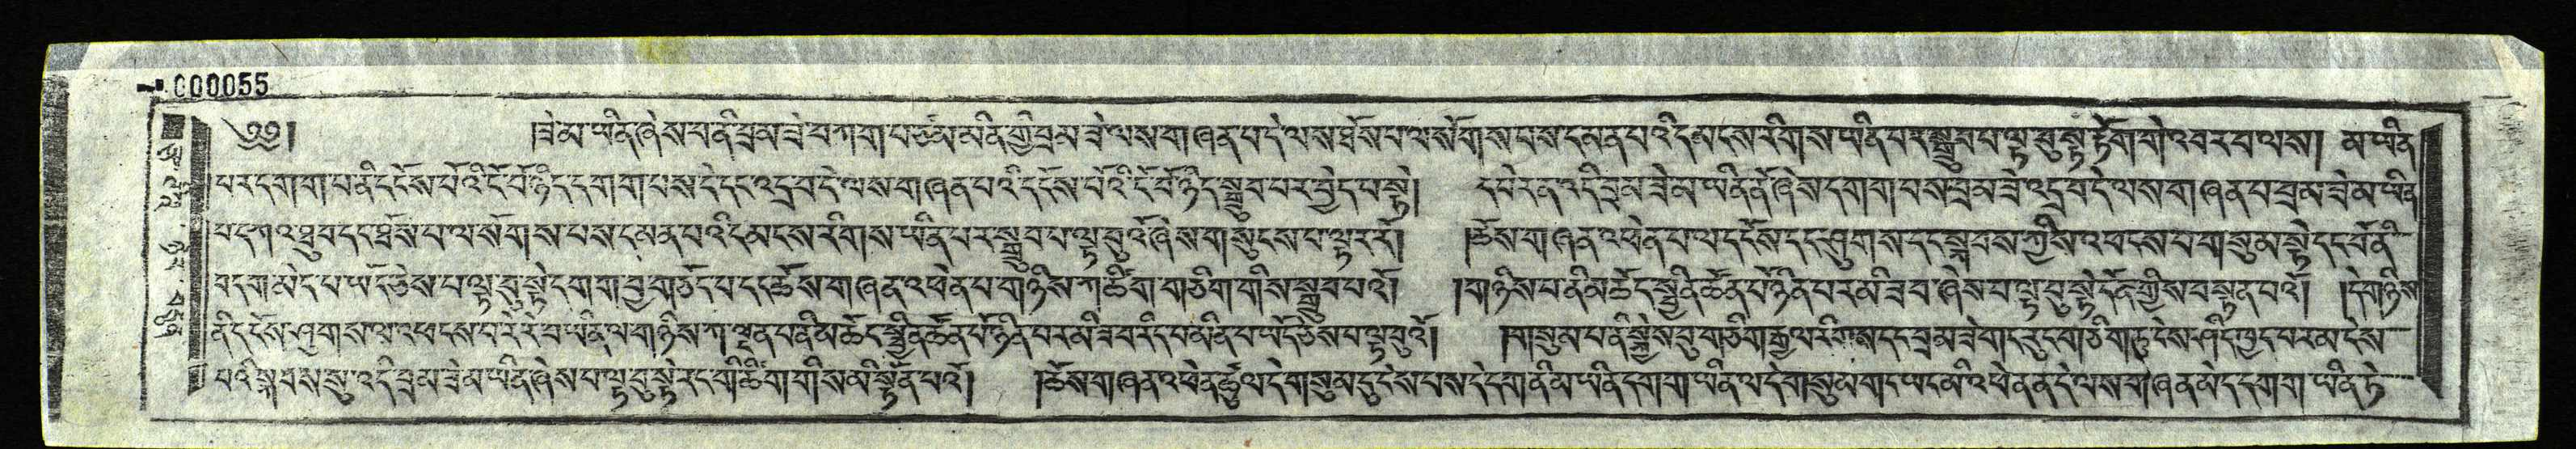༄༅། །ཟེ་མ་ཡིན་ཞེས་པ་ནི་བྲམ་ཟེ་བཀག་པ་ཙམ་མིན་གྱི་བྲམ་ཟེ་ལས་གཞན་པ་དེ་ལས་ཐོས་པ་ལ་སོགས་པས་དམན་པའི་དམངས་རིགས་ཡིན་པར་སྒྲུབ་པ་ལྟ་བུ་སྟེ་རྟོག་གེ་འབར་བ་ལས། མ་ཡིན་
པར་དགག་པ་ནི་དངོས་པོའི་ངོ་བོ་ཉིད་དགག་པས་དེ་དང་འདྲ་བ་དེ་ལས་གཞན་པའི་དངོས་པོའི་ངོ་བོ་ཉིད་སྒྲུབ་པར་བྱེད་པ་སྟེ། དཔེར་ན་འདི་བྲམ་ཟེ་མ་ཡིན་ནོ་ཞེས་དགག་པས་བྲམ་ཟེ་འདྲ་བ་དེ་ལས་གཞན་པ་བྲམ་ཟེ་མ་ཡིན་
པ་དཀའ་ཐུབ་དང་ཐོས་པ་ལ་སོགས་པས་དམན་པའི་དམངས་རིགས་ཡིན་པར་སྒྲུབ་པ་ལྟ་བུའོ་ཞེས་གསུངས་པ་ལྟར་རོ། །ཆོས་གཞན་འཕེན་པ་ལ་དངོས་དང་ཤུགས་དང་སྐབས་ཀྱིས་འཕངས་པ་གསུམ་སྟེ་དང་པོ་ནི་
བདག་མེད་པ་ཡོད་ཅེས་པ་ལྟ་བུ་སྟེ་དགག་བྱ་གཅོད་པ་དང་ཆོས་གཞན་འཕེན་པ་གཉིས་ཀ་ཚིག་གཅིག་གིས་སྒྲུབ་པའོ། །གཉིས་པ་ནི་མཆོད་སྦྱིན་ཚོན་པོ་ཉིན་པར་མི་ཟབ་ཞེས་པ་ལྟ་བུ་སྟེ་དོན་གྱིས་བསྟན་པའོ། །དེ་གཉིས་
ནི་དངོས་ཤུགས་ལ་འཕངས་པ་རེ་རེ་བ་ཡིན་ལ་གཉིས་ཀ་ལྡན་པ་ནི་མཆོད་སྦྱིན་ཚོན་པོ་ཉིན་པར་མི་ཟ་བ་རིང་བ་མིན་པ་ཡོད་ཅེས་པ་ལྟ་བུའོ། །གསུམ་པ་ནི་སྐྱེས་བུ་གཅིག་རྒྱལ་རིགས་དང་བྲམ་ཟེ་གང་རུང་གཅིག་ཏུ་ངེས་ཤིང་ཁྱད་པར་མ་ངེས་
པའི་སྐབས་སུ་འདི་བྲམ་ཟེ་མ་ཡིན་ཞེས་པ་ལྟ་བུ་སྟེ་རང་གི་ཚིག་གིས་མི་སྟོན་པའོ། །ཆོས་གཞན་འཕེན་ཚུན་དེ་གསུམ་དུ་ངེས་པས་དེ་དག་ནི་མ་ཡིན་དགག་ཡིན་ལ་དེ་གསུམ་གང་ཡང་མི་འཕེན་ན་དེ་ལས་གཞན་མེད་དགག་ཡིན་ཏེ་